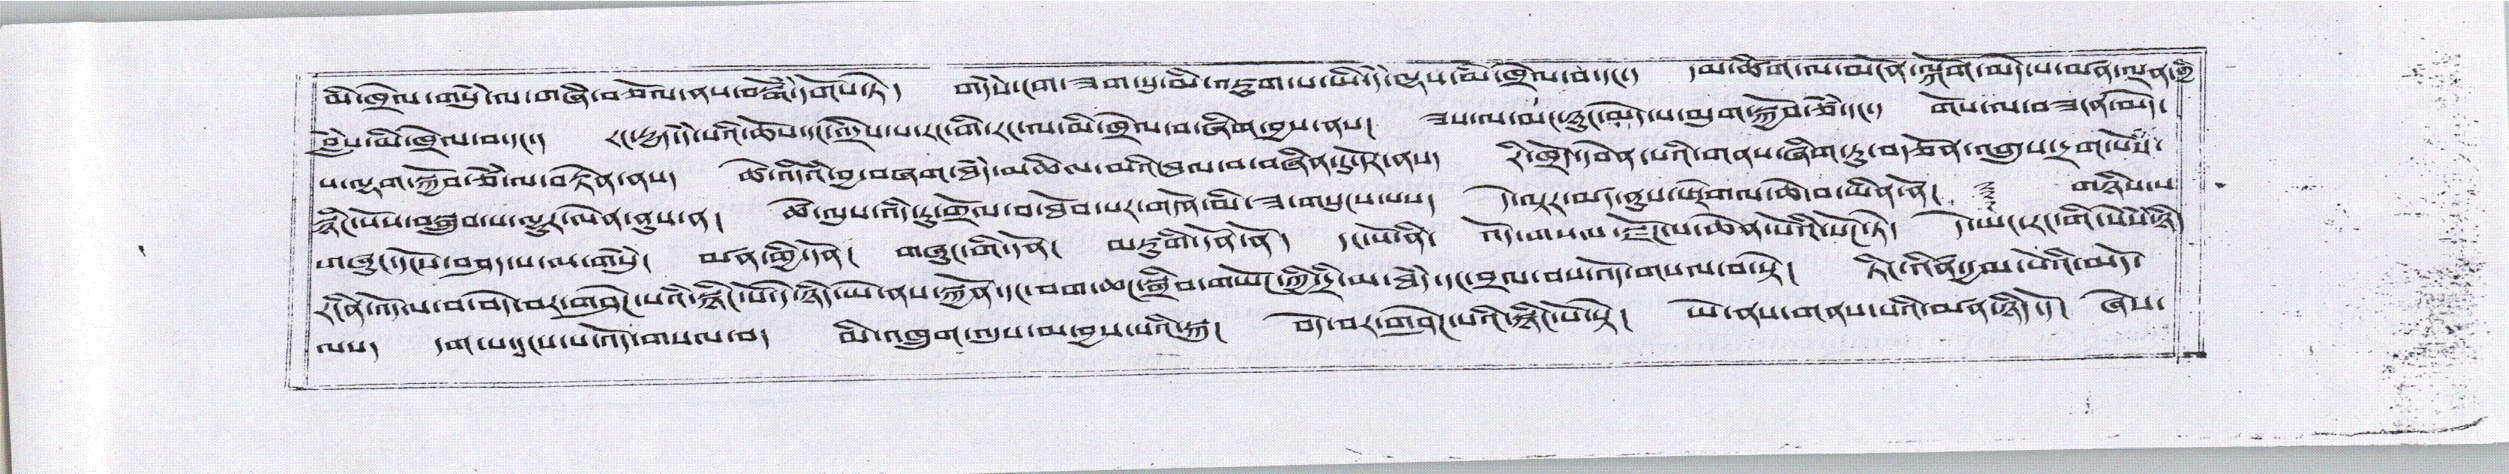མི་ཁྲེལ་གསུམ་ལ་གཞི་བཅོལ་ནས་བསྒོམ་དགོས་ཏེ། གདམས་ངག་ཟགས་སུ་མི་འཇུག་པ་ཡི་དམ་ལྷས་མི་ཁྲེལ་བ་དང་། དམ་ཚིག་ལ་མངོན་ལྐོག་མེད་པ་མཚན་ལྡན་གྱི་
བླ་མས་མི་ཁྲེལ་བ་དང་། རང་རྒྱུད་དམ་པའི་ཆོས་དང་འདྲིས་པ་རང་གིས་རང་ལ་མི་ཁྲེལ་བ་བྱས་ནས། ཟས་ལ་མང་ཉུང་མེད་པ་མུག་སྐྱོབ་ཙམ་དང་། གོས་ལ་བཟང་ངན་མེད་
པ་ལྷག་སྐྱོབ་ཙམ་ལ་བརྟེན་ནས། ཚེ་འདིའི་བྱ་བཞག་ཐམས་ཅད་མཆིལ་མའི་ཐལ་བ་བཞིན་དུ་དོར་ནས། རི་ཁྲོད་དབེན་པའི་གནས་ཤིག་ཏུ་བརྩོན་འགྲུས་དྲག་པོས་
སྙིང་པོས་བསྒྲུབ་པ་ལྷུར་ལེན་ནུས་ན། ཚེ་ལུས་འདི་རུ་གྲོལ་བ་ཐོབ་པར་གདོན་མི་ཟ་གསུངས་པས། དེ་ལྟར་མཛད་ནུས་པར་གལ་ཆེ་བ་ཡིན་ནོ། ༧ གཉིས་པ་
གཞུང་དངོས་བཤད་པ་ལ་གསུམ། མཚན་གྱི་དོན། གཞུང་གི་དོན། མཇུག་གི་དོན་ནོ། དང་པོ་ནི། འོད་གསལ་རྫོགས་པ་ཆེན་པོའི་སོགས་ཏེ། དེ་ཡང་རང་གི་སེམས་ཉིད་
རང་བཞིན་འོད་གསལ་བ་བདེ་བར་གཤེགས་པའི་སྙིང་པོ་དེ་ཉིད་ཡེ་ནས་སྐྱོན་དང་བག་ཆགས་སྒྲིབ་གཡོགས་ཀྱི་དྲི་མ་ཐམས་ཅད་དང་བྲལ་བས་འོད་གསལ་བ་སྟེ། ཏིང་འཛིན་རྒྱལ་པོའི་མདོ་
ལས། དག་པ་དྭངས་པ་འོད་གསལ་བ། མི་འཁྲུགས་འདུས་མ་བྱས་པའི་སྐུ། བདེ་བར་གཤེགས་པའི་སྙིང་པོ་སྟེ། ཡེ་ནས་གནས་པའི་མཚན་ཉིད་དོ། ཞེས་